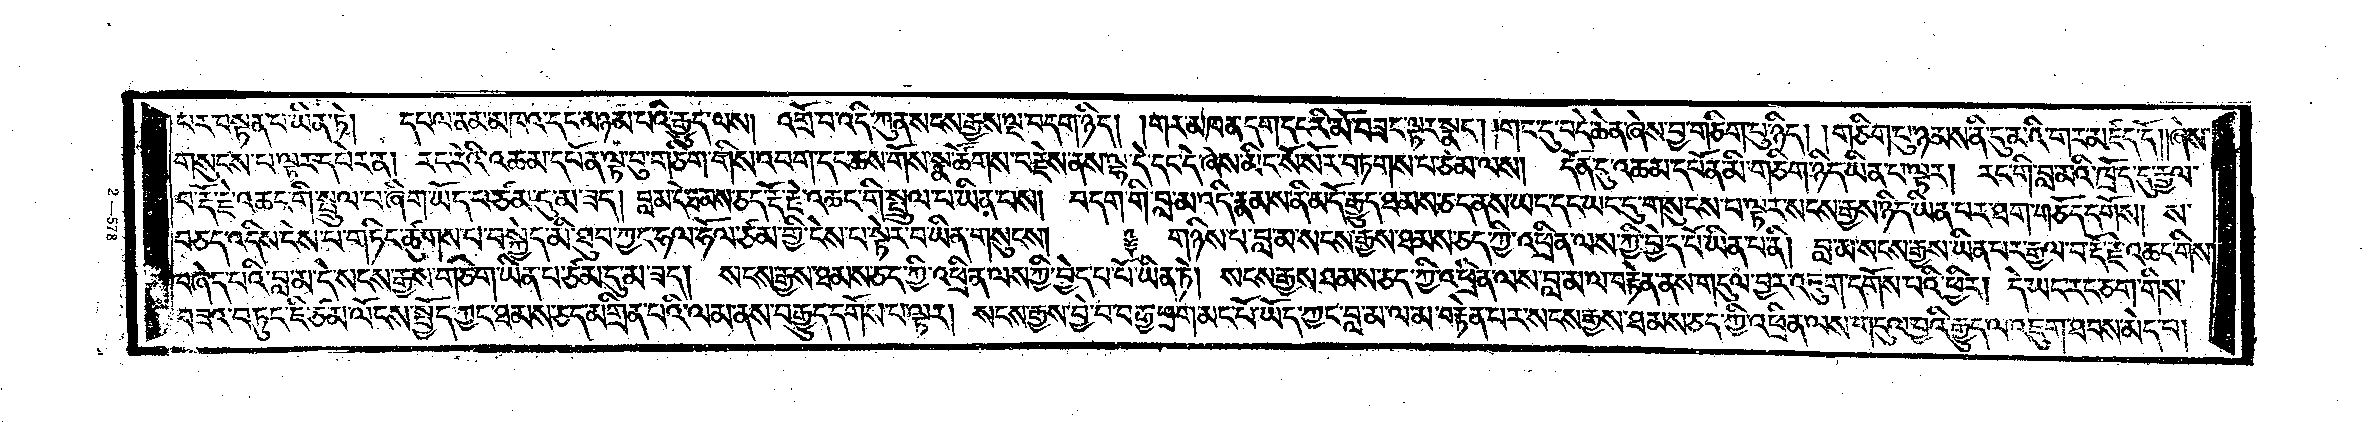པར་བསྟན་པ་ཡིན་ཏེ། དཔལ་ནམ་མཁའ་དང་མཉམ་པའི་རྒྱུད་ལས། འགྲོ་བ་འདི་ཀུན་སངས་རྒྱས་ལྔ་བདག་ཉིད། །གར་མཁན་དག་དང་རི་མོ་བཟང་ལྟར་སྣང་། །གང་དུ་བདེ་ཆེན་ཞེས་བྱ་གཅིག་པུ་ཉིད། །གཅིག་པུ་ཉམས་ནི་དུ་མའི་གར་མཛད་དོ། །ཞེས་
གསུངས་པ་ལྟར་དཔེར་ན། རང་རེའི་འཆམ་དཔོན་ལྟ་བུ་གཅིག་གིས་འབག་དང་ཆས་གོས་སྣ་ཚོགས་བརྗེས་ནས་ལྷ་དེ་དང་དེ་ཞེས་མིང་སོ་སོར་བཏགས་པ་ཅེམ་ལས། དོན་དུ་འཆམ་དཔོན་མི་གཅིག་ཉིད་ཡིན་པ་ལྟར། རང་གི་བླ་མའི་ཁྲོད་དུ་རྒྱལ་
བ་རྡོ་རྗེ་འཆང་གི་སྤྲུལ་པ་ཞིག་ཡོད་པ་ཙམ་དུ་མ་ཟད། བླ་མ་དེ་ཐམས་ཅད་རྡོ་རྗེ་འཆང་གི་སྤྲུལ་པ་ཡིན་པས། བདག་གི་བླ་མ་འདི་རྣམས་ནི་མདོ་རྒྱུད་ཐམས་ཅད་ནས་ཡང་དང་ཡང་དུ་གསུངས་པ་ལྟར་སངས་རྒྱས་ཉིད་ཡིན་པར་ཐག་གཅོད་དགོས། ས་
བཅད་འདིས་ངེས་པ་གཏིང་ཚུགས་པ་བསྐྱེད་མི་ཐུབ་ཀྱང་ཧལ་ཧོལ་ཙམ་གྱི་ངེས་པ་སྟེར་བ་ཡིན་གསུངས། ༈ གཉིས་པ་བླ་མ་སངས་རྒྱས་ཐམས་ཅད་ཀྱི་འཕྲིན་ལས་ཀྱི་བྱེད་པོ་ཡིན་པ་ནི། བླ་མ་སངས་རྒྱས་ཡིན་པར་རྒྱལ་བ་རྡོ་རྗེ་འཆང་གིས་
བཞེད་པའི་བླ་མ་དེ་སངས་རྒྱས་གཅིག་ཡིན་པ་ཙམ་དུ་མ་ཟད། སངས་རྒྱས་ཐམས་ཅད་ཀྱི་འཕྲིན་ལས་ཀྱི་བྱེད་པ་པོ་ཡིན་ཏེ། སངས་རྒྱས་ཐམས་ཅད་ཀྱི་འཕྲིན་ལས་བླ་མ་ལ་བརྟེན་ནས་གདུལ་བྱར་འཇུག་དགོས་པའི་ཕྱིར། དེ་ཡང་རང་ཅག་གིས་
བཟའ་བཏུང་ཇི་ཙམ་ལོངས་སྤྱོད་ཀྱང་ཐམས་ཅད་མགྲིན་པའི་ལམ་ནས་བརྒྱུད་དགོས་པ་ལྟར། སངས་རྒྱས་བྱེ་བ་བརྒྱ་ཕྲག་མང་པོ་ཡོད་ཀྱང་བླ་མ་ལ་མ་བརྟེན་པར་སངས་རྒྱས་ཐམས་ཅད་ཀྱི་འཕྲིན་ལས་གདུལ་བྱའི་རྒྱུད་ལ་འཇུག་ཐབས་མེད་པ།